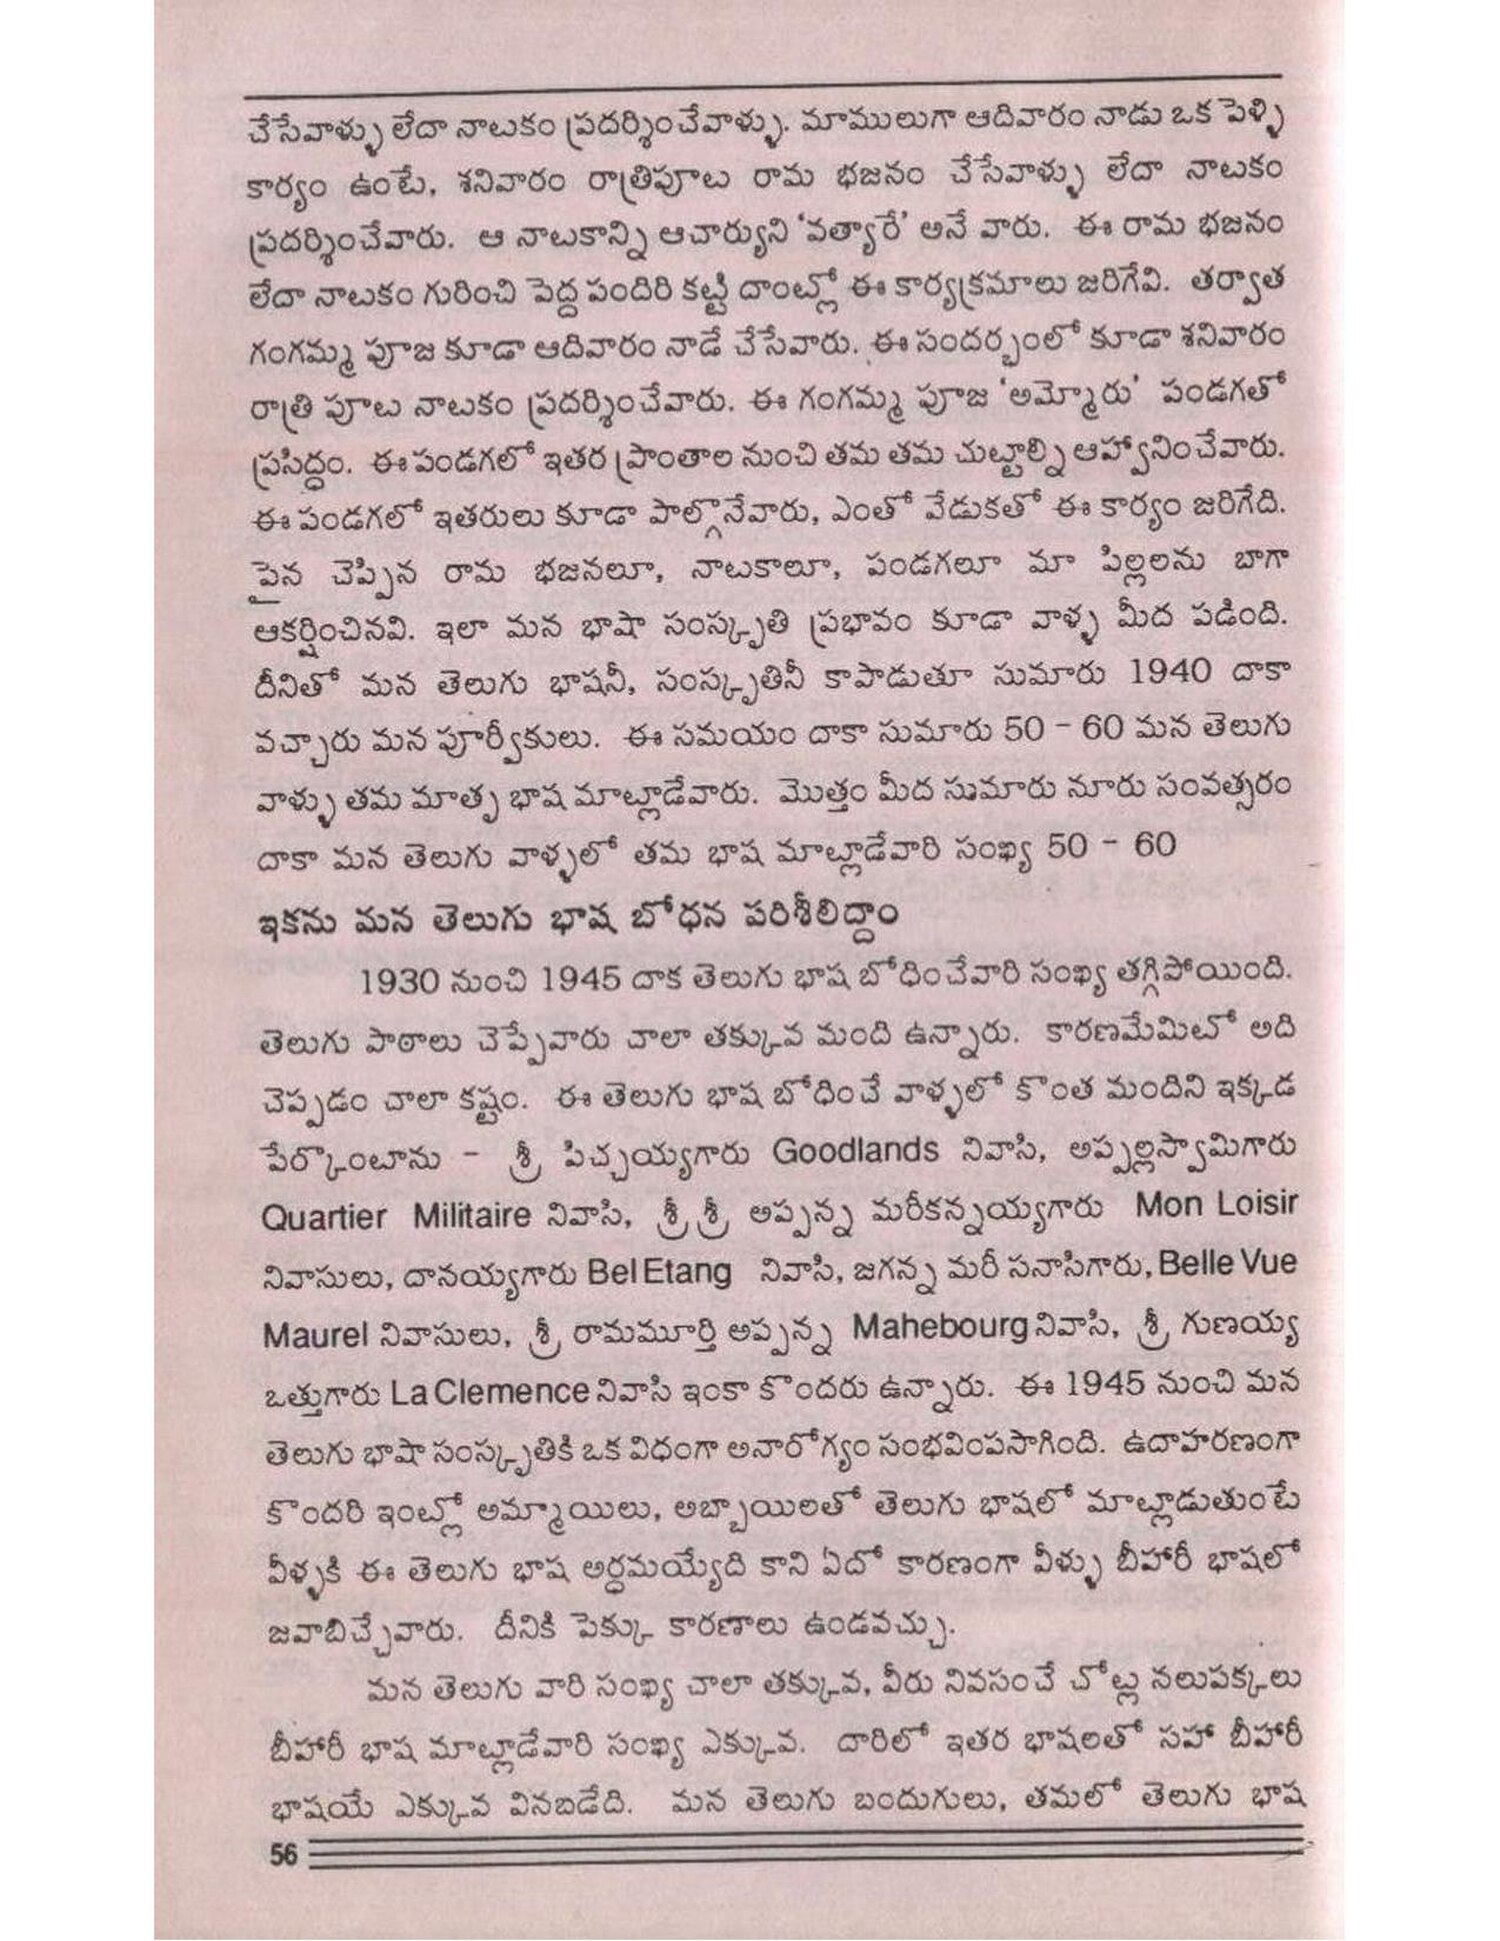చేసేవాళ్ళు లేదా నాటకం ప్రదర్శించేవాళ్ళు. మాములుగా ఆదివారం నాడు ఒక పెళ్ళి కార్యం ఉంటే, శనివారం రాత్రిపూట రామ భజనం చేసేవాళ్ళు లేదా నాటకం ప్రదర్శించేవారు. ఆ నాటకాన్ని ఆచార్యుని 'వత్యారే' అనే వారు. ఈ రామ భజనం లేదా నాటకం గురించి పెద్ద పందిరి కట్టి దాంట్లో ఈ కార్యక్రమాలు జరిగేవి. తర్వాత గంగమ్మ పూజ కూడా ఆదివారం నాడే చేసేవారు. ఈ సందర్బంలో కూడా శనివారం రాత్రి పూట నాటకం ప్రదర్శించేవారు. ఈ గంగమ్మ పూజ 'అమ్మోరు' పండగలో ప్రసిద్దం. ఈపండగలో ఇతర ప్రాంతాల నుంచి తమ తమ చుట్టాల్ని ఆహ్వానిం చేవారు. ఈ పండగలో ఇతరులు కూడా పాల్గొనేవారు, ఎంతో వేడుకతో ఈ కార్యం జరిగేది. పైన చెప్పిన రామ భజనలూ, నాటకాలూ, పండగలూ మా పిల్లలను బాగా ఆకర్షించినవి. ఇలా మన భాషా సంస్కృతి ప్రభావం కూడా వాళ్ళ మీద పడింది. దీనితో మన తెలుగు భాషనీ, సంస్కృతినీ కాపాడుతూ సుమారు 1940 దాకా వచ్చారు మన పూర్వీకులు. ఈ సమయం దాకా సుమారు 50 - 60 మన తెలుగు వాళ్ళు తమ మాతృ భాష మాట్లాడేవారు. మొత్తం మీద సుమారు నూరు సంవత్సరం దాకా మన తెలుగు వాళ్ళలో తమ భాష మాట్లాడేవారి సంఖ్య 50 - 60 

ఇకను మన తెలుగు భాష బోధన పరిశీలిద్దాం

1930 నుంచి 1945 దాక తెలుగు భాష బోధించేవారి సంఖ్య తగ్గిపోయింది. తెలుగు పాఠాలు చెప్పేవారు చాలా తక్కువ మంది ఉన్నారు. కారణమేమిటో అది చెప్పడం చాలా కష్టం. ఈ తెలుగు భాష బోధించే వాళ్ళలో కొంత మందిని ఇక్కడ పేర్కొంటాను - శ్రీ పిచ్చయ్యగారు Goodlands నివాసి, అప్పల స్వామిగారు Quartier Militaire నివాసి, శ్రీశ్రీ అప్పన్న మరీకన్నయ్యగారు Mon Loisir నివాసులు, దానయ్యగారు BelElang నివాసి, జగన్న మరీ సనాసిగారు, Belle Vue Maurel నివాసులు, శ్రీ రామమూర్తి అప్పన్న Mahebourg నివాసి, శ్రీ గుణయ్య ఒత్తుగారు LaClemence నివాసి ఇంకా కొందరు ఉన్నారు. ఈ 1945 నుంచి మన తెలుగు భాషా సంస్కృతికి ఒక విధంగా అనారోగ్యం సంభవింపసాగింది. ఉదాహరణంగా కొందరి ఇంట్లో అమ్మాయిలు, అబ్బాయిలతో తెలుగు భాషలో మాట్లాడుతుంటే వీళ్ళకి ఈ తెలుగు భాష అర్ధమయ్యేది కాని ఏదో కారణంగా వీళ్ళు బీహారీ భాషలో జవాబిచ్చేవారు. దీనికి పెక్కు కారణాలు ఉండవచ్చు. 

మన తెలుగు వారి సంఖ్య చాలా తక్కువ. వీరు నివసంచే చోట్ల నలుపక్కలు బీహారీ భాష మాట్లాడేవారి సంఖ్య ఎక్కువ. దారిలో ఇతర భాషలతో సహా బీహారీ భాషయే ఎక్కువ వినబడేది. మన తెలుగు బందుగులు, తమలో తెలుగు భాష